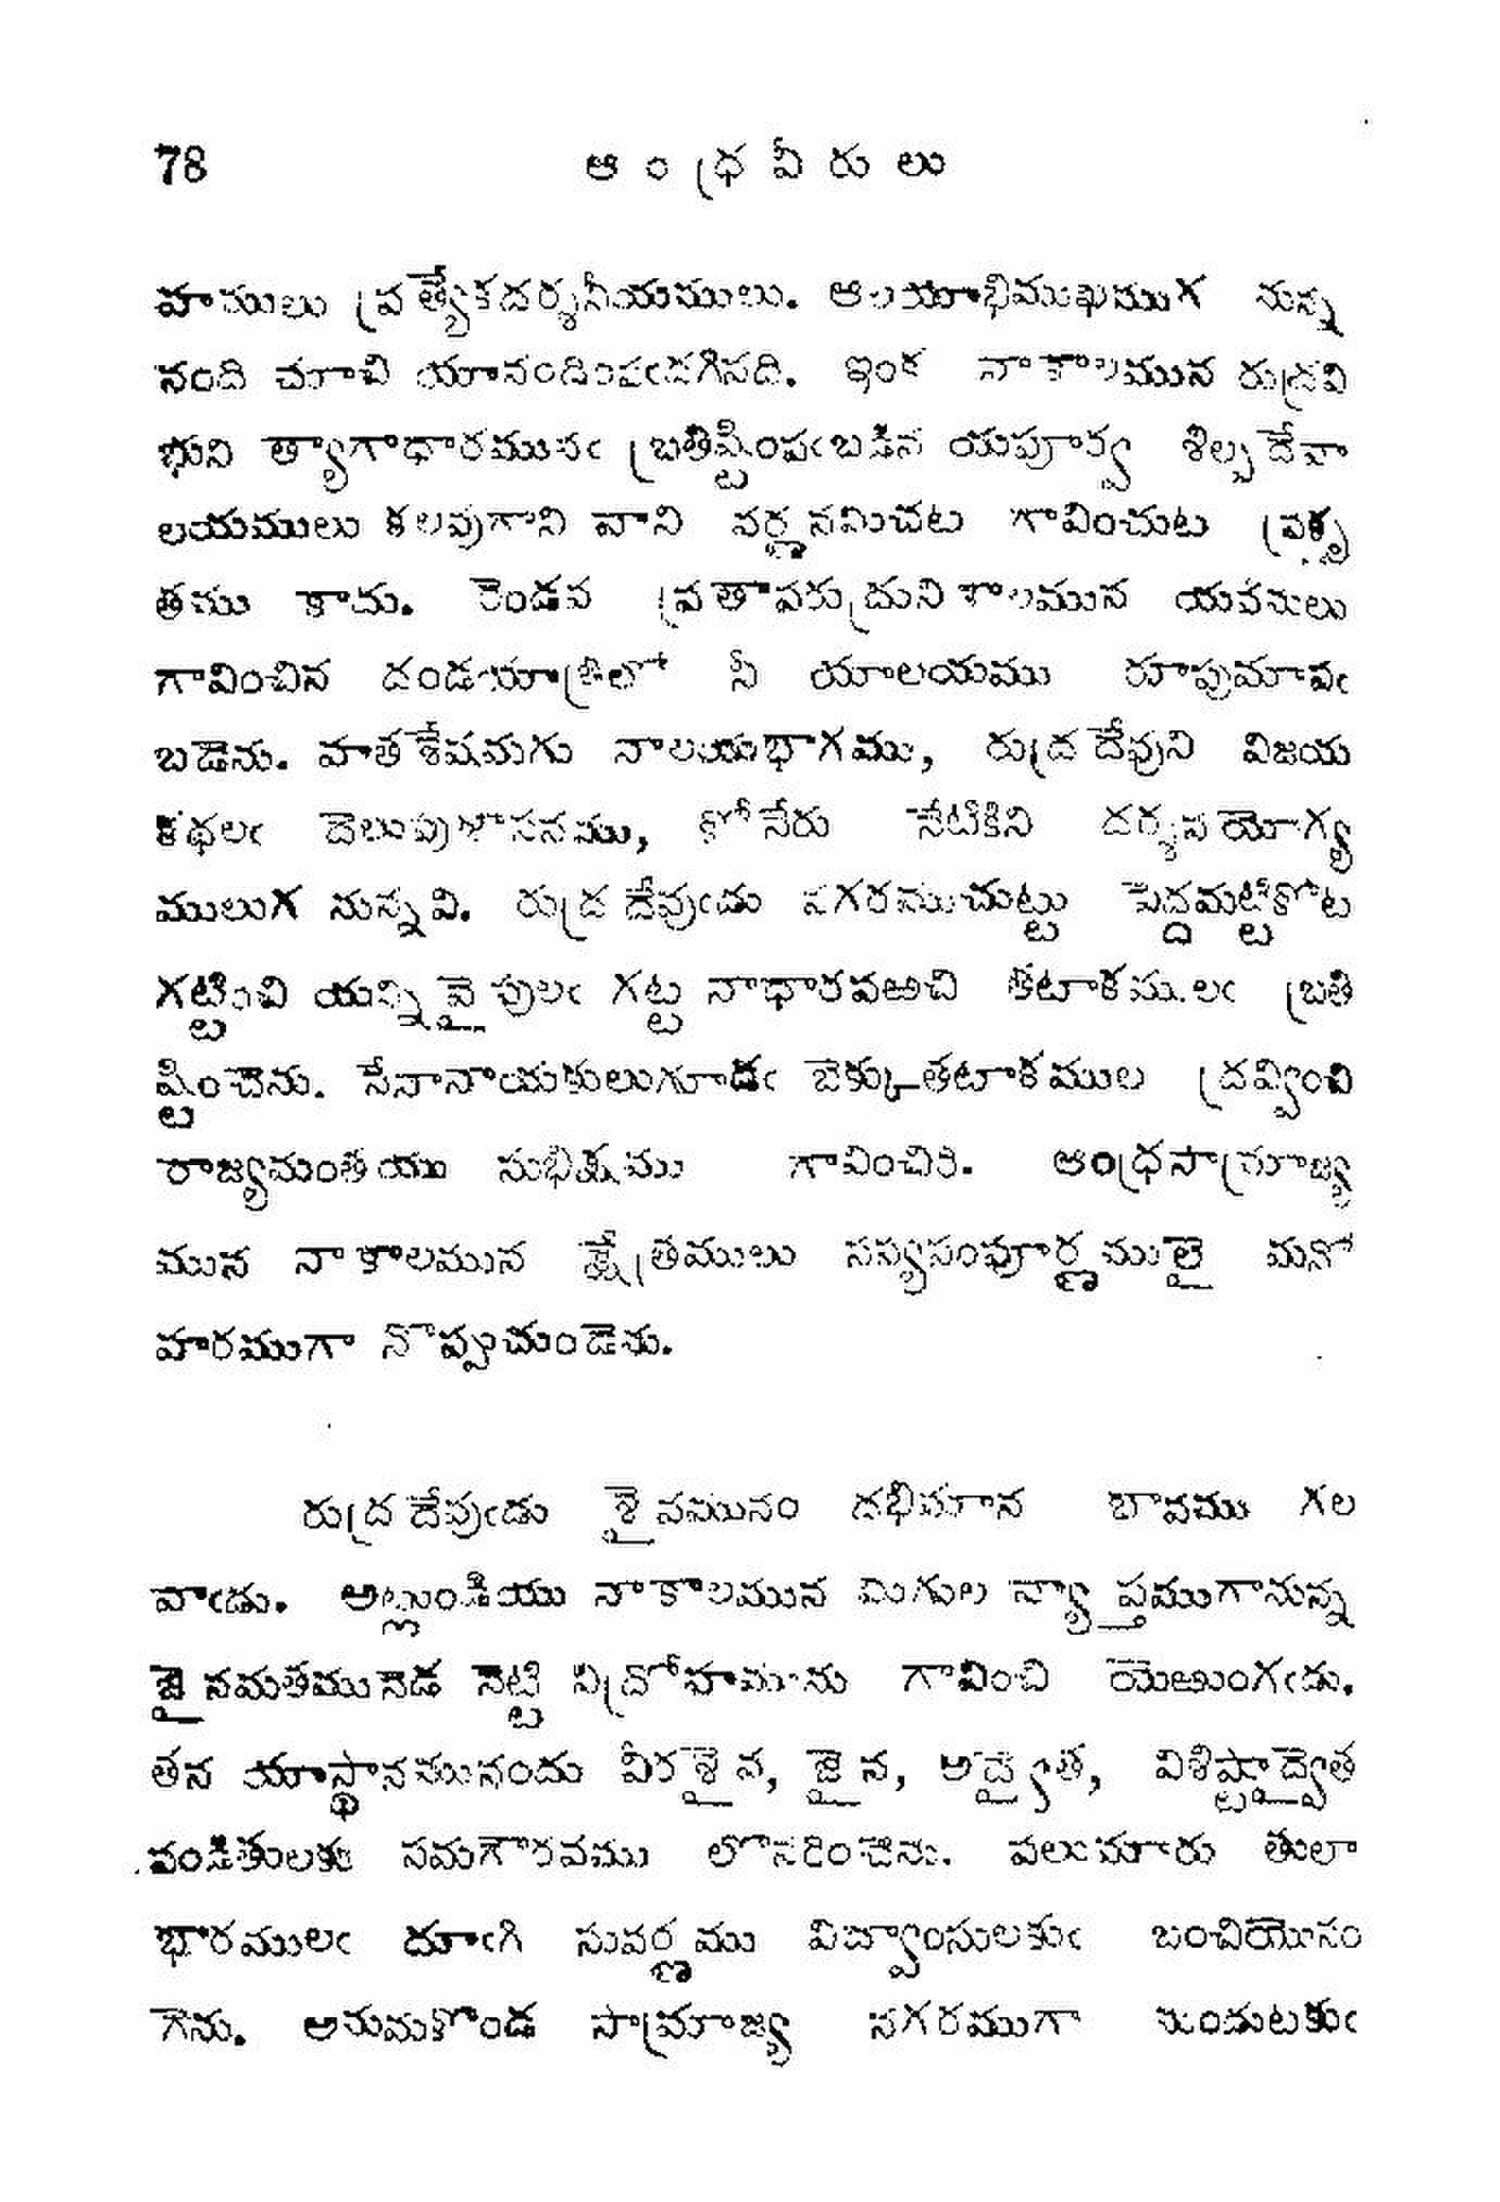హములు ప్రత్యేకదర్శనీయములు. ఆలయాభిముఖముగ నున్న నంది చూచి యానందింపదగినది. ఇంక నాకాలమున రుద్రువిభుని త్యాగాధారమున బ్రతిష్టింపబడిన యపూర్వ శిల్పదేవాలయములు కలవుగాని వాని వర్ణనమిచట గావించుట ప్రకృతము కాదు. రెండవ ప్రతాపరుద్రుని కాలమున యవనులు గావించిన దండయాత్రలో నీ యాలయము రూపుమాపబడెను. హతశేషమగు నాలయభాగము,రుద్రదేవుని విజయకథల దెలుపుశాసనము, కోనేరు నేటికిని దర్శనయోగ్యములుగ నున్నవి. రుద్రదేవుడు నగరము చుట్టు పెద్దమట్టికోట గట్టించి యన్నివైపుల గట్ట నాధారపఱచి తటాకముల బ్రతిష్టించెను. సేనానాయకులుగూడ బెక్కుతటాకముల ద్రవ్వించి రాజ్యమంతయు సుభిక్షము గావించిరి. ఆంధ్రసామ్రాజ్యమున నా కాలమున క్షేత్రములు సస్యసంపూర్ణములై మనోహరముగా నొప్పుచుండెను.

రుద్రదేవుడు శైవమునం దభిమాన బావము గలవాడు. అట్లుండియు నా కాలమున మిగుల వ్యాప్తముగానున్న జైనమతమునెడనెట్టి విద్రోహమును గావించి యెఱుంగడు. తన యాస్థానమునందు వీరశైవ, జైన, అద్వైత, విశిష్టాద్వైత పండితులకు సమగౌరవము లొనరించెను. పలుమారు తులాభారముల దూగి సువర్ణము విద్వాంసులకు బంచియొసంగెను. అనుమకొండ సామ్రాజ్య నగరముగా నుండుటకు